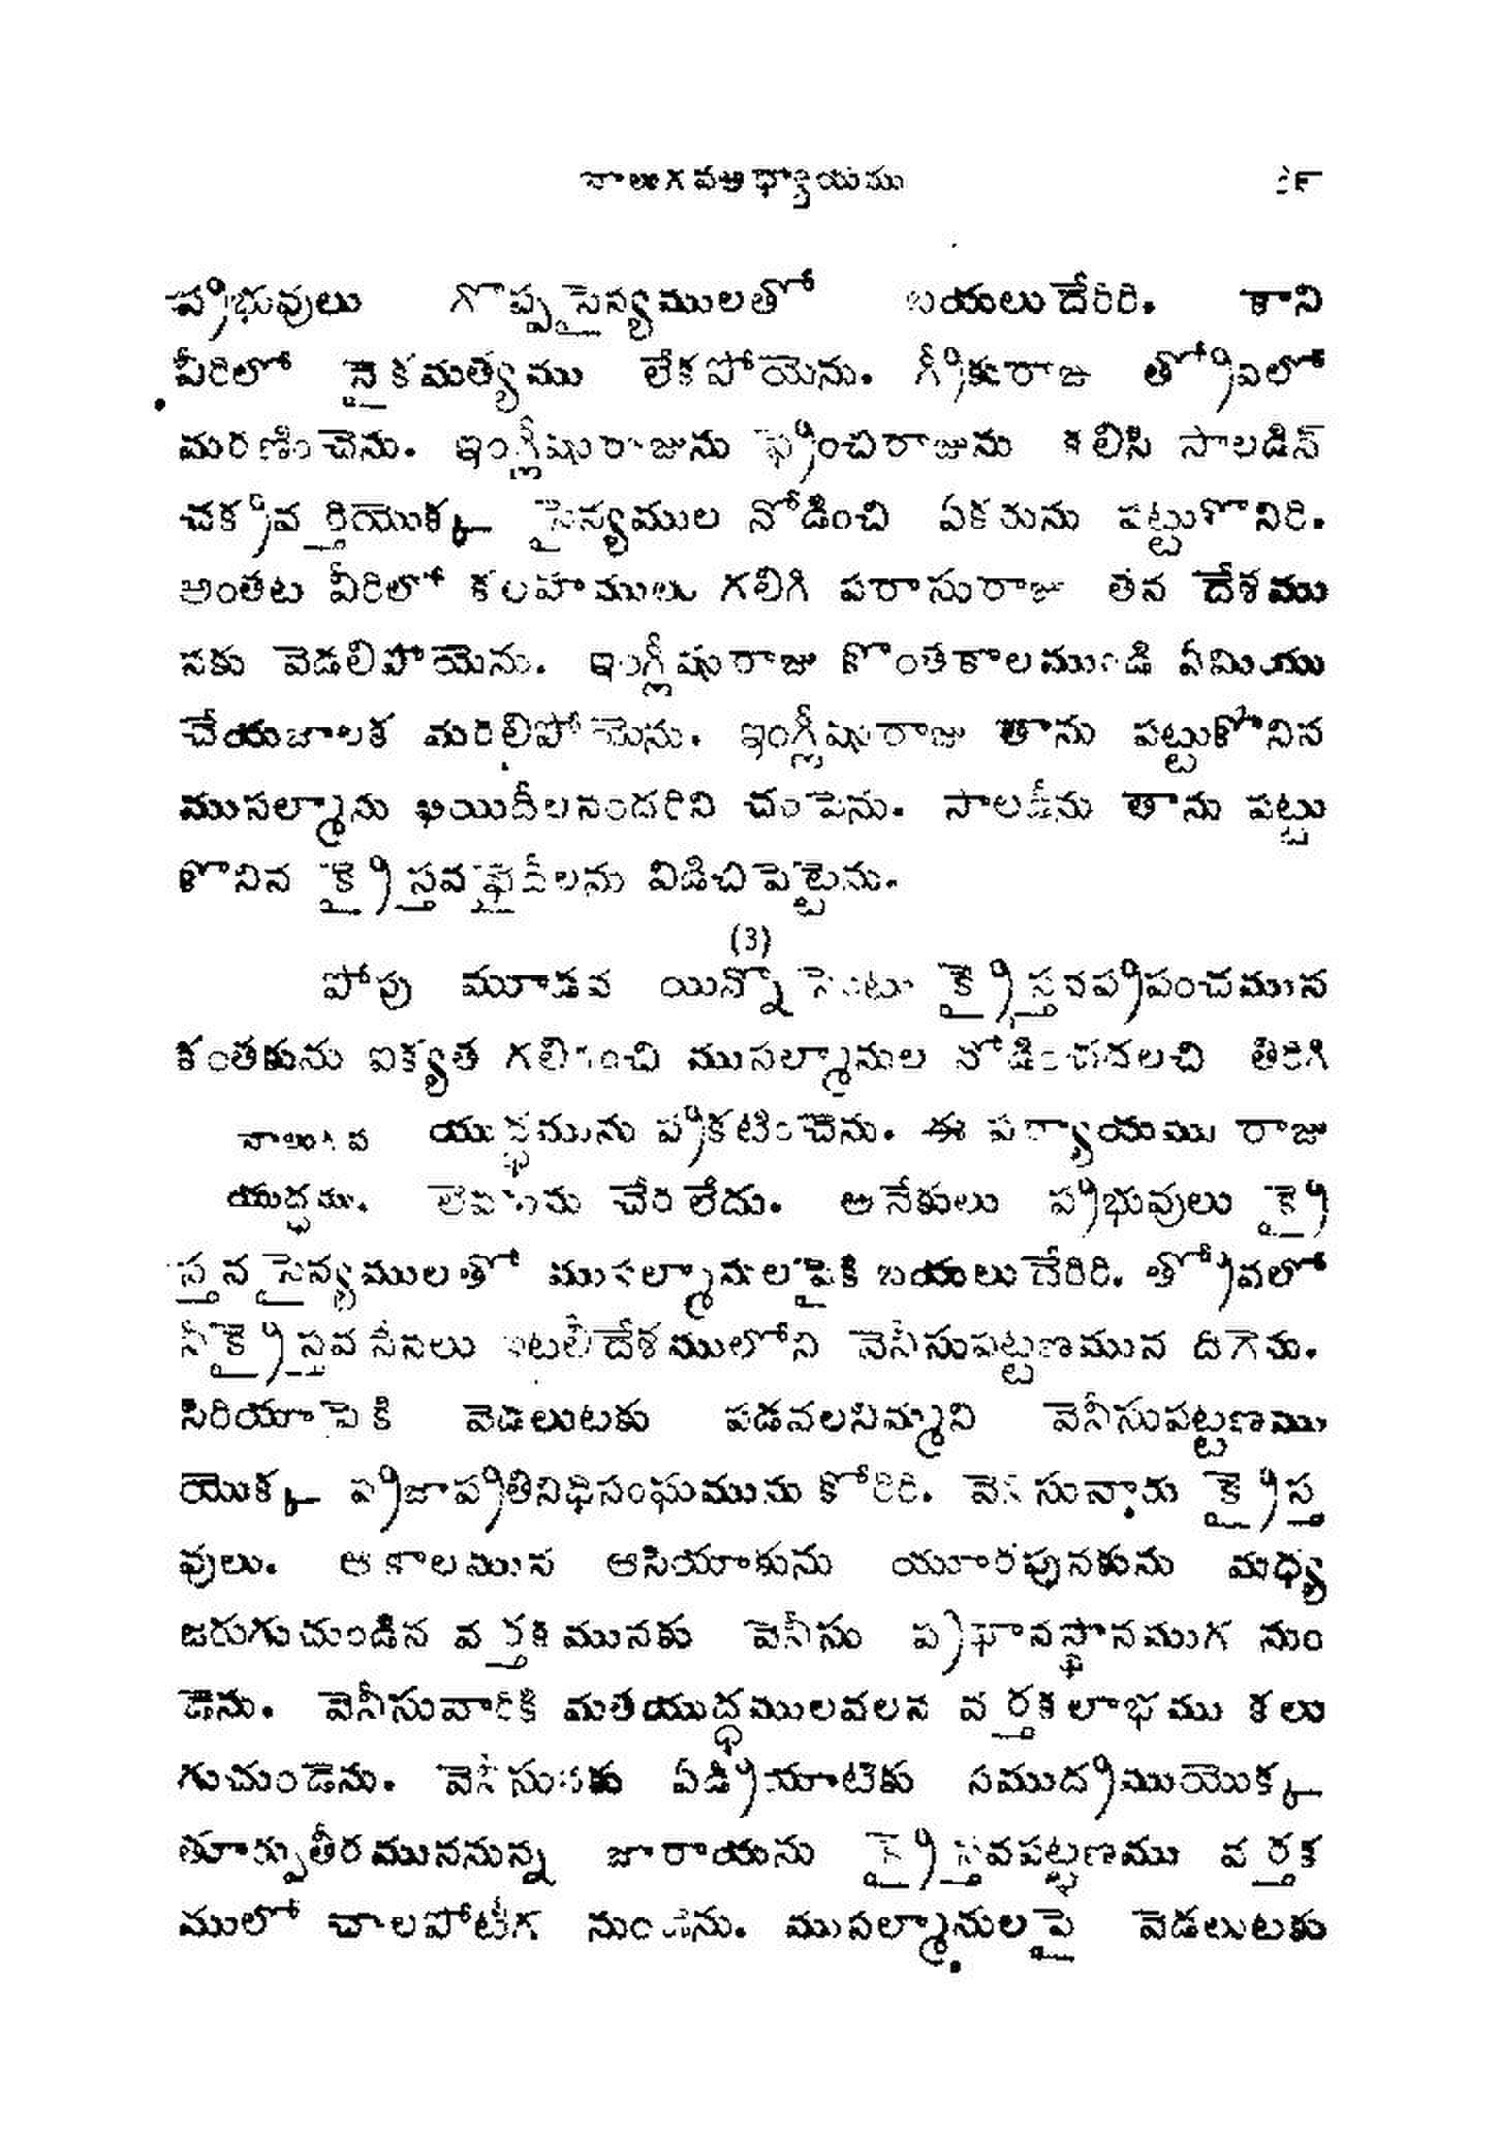ప్రభువులు గొప్ప సైన్యములతో బయలు దేరిరి, కాని
వీరిలో నైకమత్యము లేక పోయెను. గ్రీకురాజు త్రోవలో
మరణించెను. ఇంగ్లీషు రాజును ఫ్రెంచి రాజును కలిసి సాలడిస్
చక్రవర్తి యొక్క సైన్యముల నోడించి ఏకరును పట్టుకొనిరి.
అంతట వీరిలో కలహములు గలిగి పరాసురాజు తన దేశము
నకు వెడలి పోయెను. ఇంగ్లీషు రాజు కొంత కాలముండి ఏమియు
చేయజాలక మరిలిపో మెను . ఇంగ్లీష్ రాజు తాను పట్టుకొనిన
ముసల్మాను ఖయిదీ లనందరిని చంపెను. సాలడీను తాను పట్టు
కొనిన క్రైస్తవ ఖైదీలను విడిచి పెట్టెను.

పోపు మూడవ యిన్నోసెంటు క్రైస్తవ ప్రపంచమున
కంతకును ఐక్యత గలించి ముసల్మానుల నోడించ దలచి తిరిగి
యుద్ధమును ప్రకటించెను. ఈ పర్యాయము రాజు
లెవరును చేర లేదు. అనేకులు ప్రభువులు ""
క్రైస్తవ సైన్యములతో ముసల్మానుల పైకి బయలు దేరిరి. త్రోవలో
నీ క్రైస్తవ సేసలు ఇటలీ దేశములోని "వెనీసు షట్టణమున దిగెను.
సిరియూ పైకి వెడలుటకు పడవల నిమ్మని వెనీసుపట్టణము
యొక్క ప్రజాప్రతినిధి సంఘమును కోరిరి. వెనీసు వారు. క్రైస్త
వులు. ఆ కాలమున ఆసియాకును యూరఫునకును మధ్య
జరుగుచుండిన వర్తకమునకు వెనీసు ప్రధాన స్థానముగ నుం
డెసు. వెనీసువారికి మత యుద్ధముల వలస వర్తక లాభము కలు
గుచుండెను. వెనీసుకు ఏడ్రియాటికు సముద్రము యొక్క
తూర్పుతీరమున నున్న జూరాయను క్రైస్తవ పట్టణము వర్తక
ములో చాలపోటీగ నుండెను. ముసల్మానుల పై వెడలుటకు